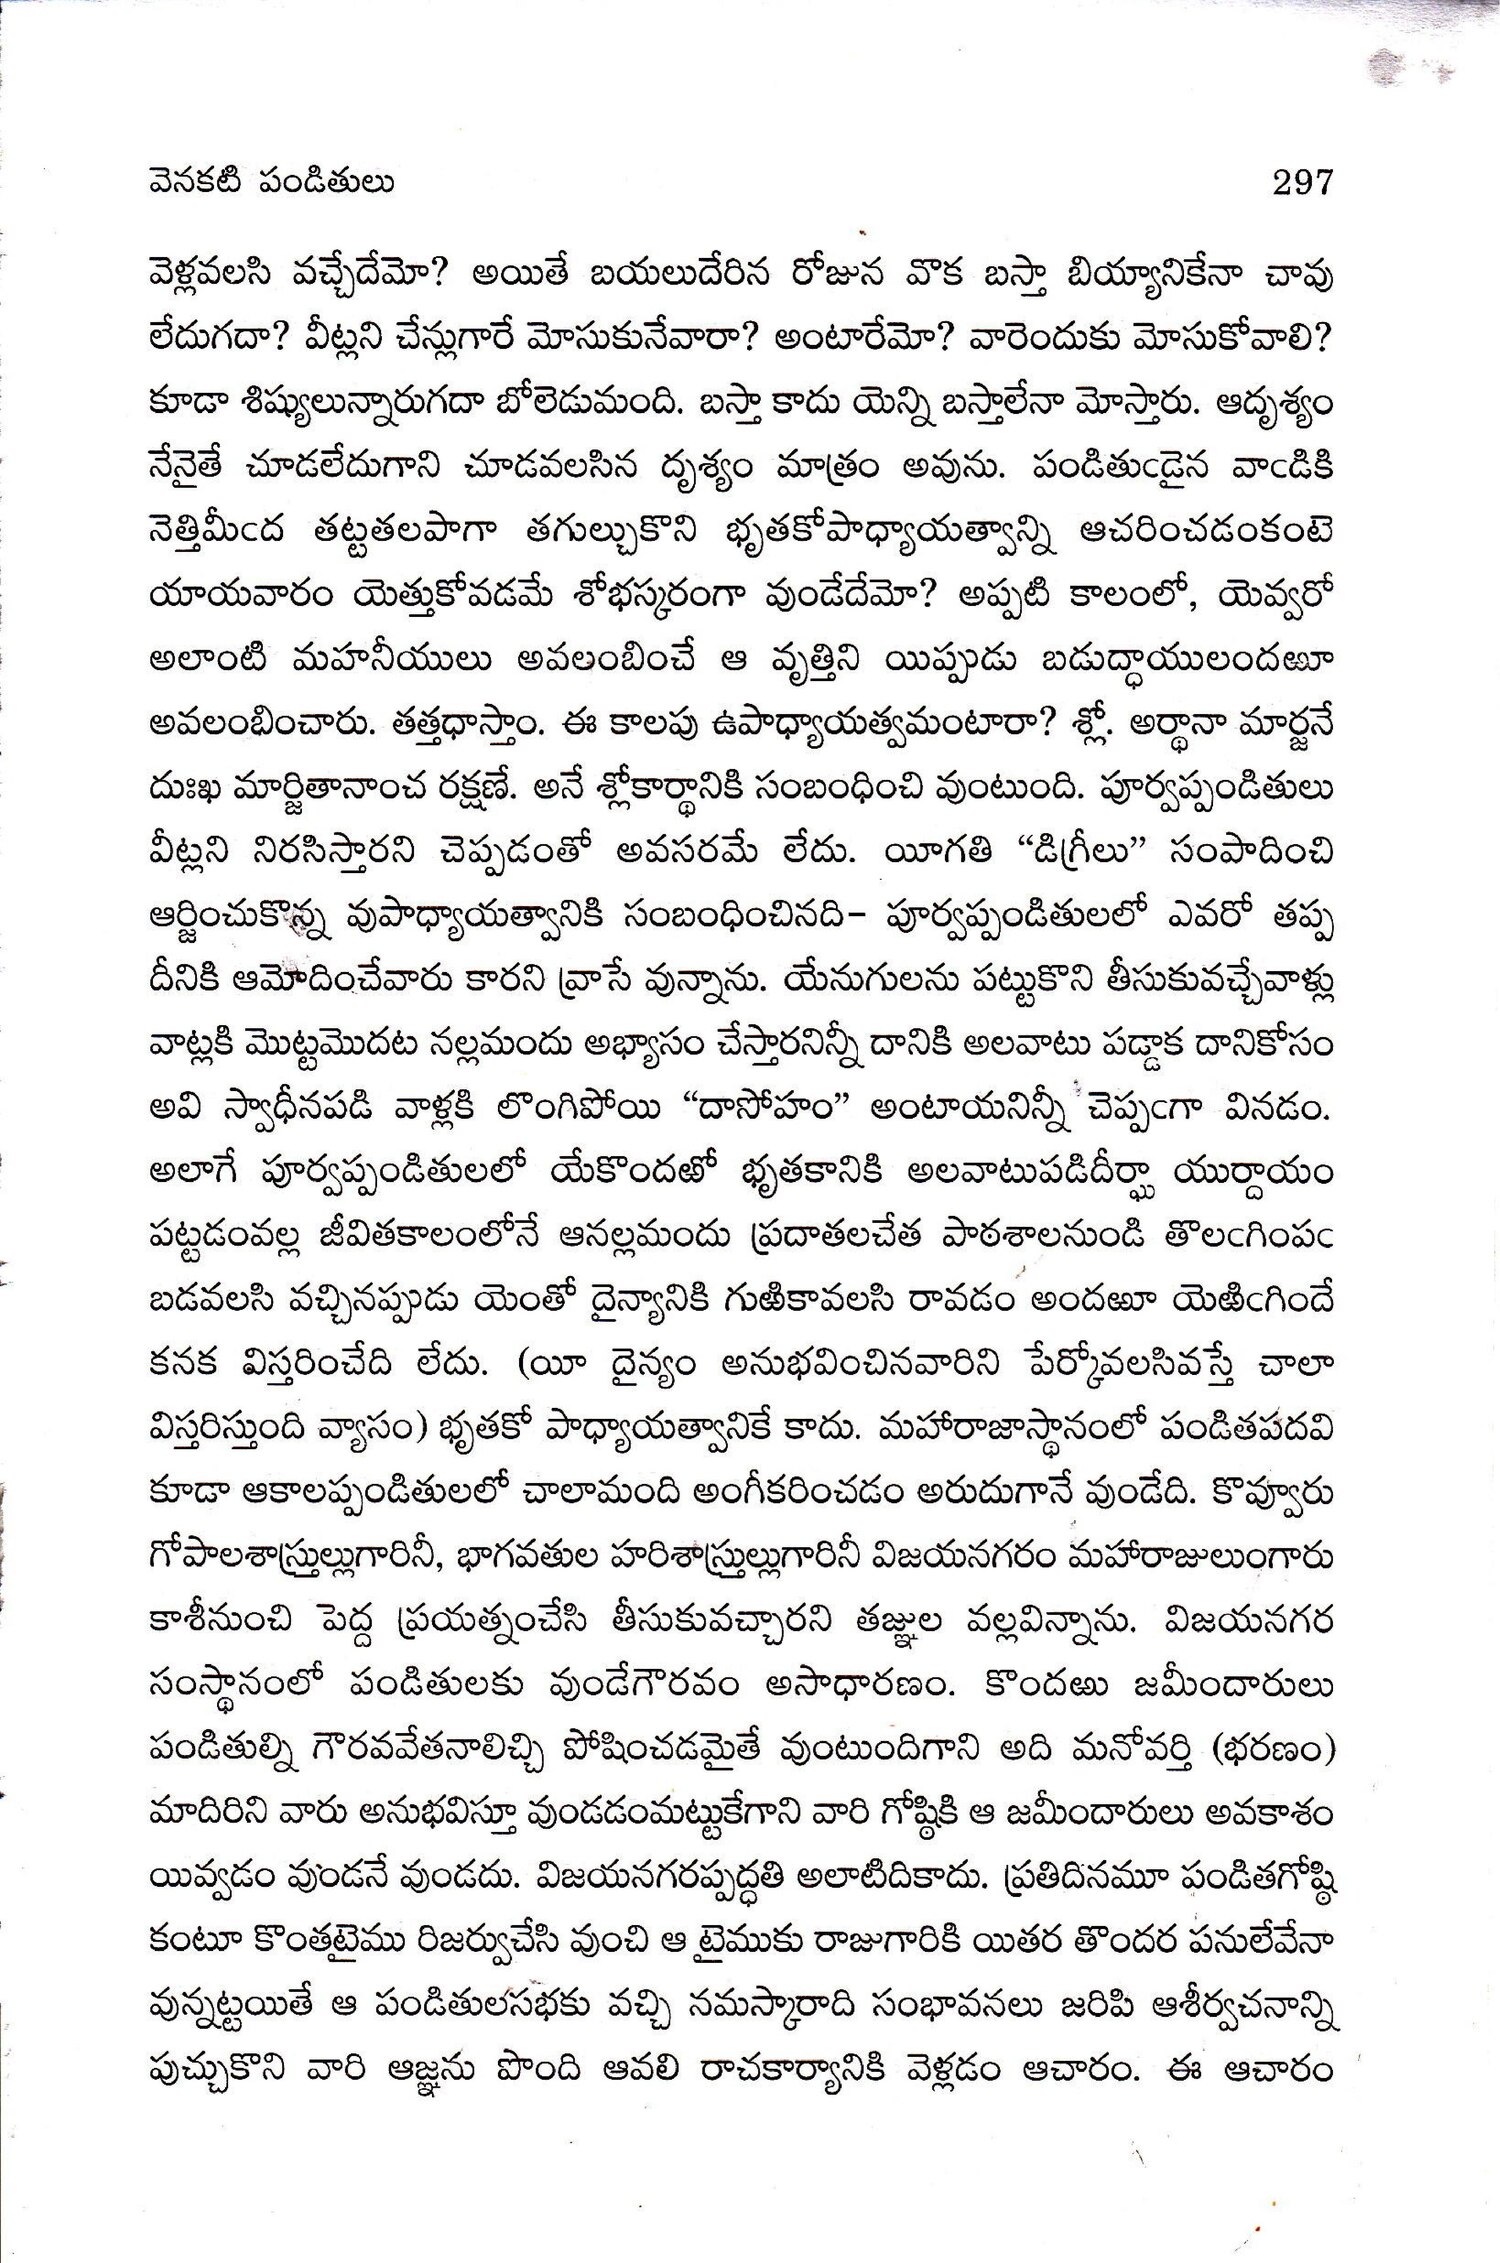వెళ్లవలసి వచ్చేదేమో? అయితే బయలుదేరిన రోజున వొక బస్తా బియ్యానికేనా చావు లేదుగదా? వీట్లని చేన్లుగారే మోసుకునేవారా? అంటారేమో? వారెందుకు మోసుకోవాలి? కూడా శిష్యులున్నారుగదా బోలెడుమంది. బస్తా కాదు యెన్నిబస్తాలేనా మోస్తారు. ఆదృశ్యం నేనైతే చూడలేదుగాని చూడవలసిన దృశ్యం మాత్రం అవును. పండితుఁడైన వాఁడికి నెత్తిమీఁద తట్టతలపాగా తగుల్చుకొని భృతకోపాధ్యాయత్వాన్ని ఆచరించడంకంటె యాయవారం యెత్తుకోవడమే శోభస్కరంగా వుండేదేమో? అప్పటి కాలంలో, యెవ్వరో అలాంటి మహనీయులు అవలంబించే ఆ వృత్తిని యిప్పుడు బడుద్దాయులందఱూ అవలంబించారు. తత్తధాస్తాం. ఈ కాలపు ఉపాధ్యాయత్వమంటారా? శ్లో. అర్థానా మార్టనే దుఃఖ మార్జితానాంచ రక్షణే. అనే శ్లోకార్థానికి సంబంధించి వుంటుంది. పూర్వప్పండితులు వీట్లని నిరసిస్తారని చెప్పడంతో అవసరమే లేదు. యీగతి “డిగ్రీలు" సంపాదించి ఆర్జించుకొన్న వుపాధ్యాయత్వానికి సంబంధించినది- పూర్వప్పండితులలో ఎవరో తప్ప దీనికి ఆమోదించేవారు కారని వ్రాసే వున్నాను. యేనుగులను పట్టుకొని తీసుకువచ్చేవాళ్లు వాట్లకి మొట్టమొదట నల్లమందు అభ్యాసం చేస్తారనిన్నీ దానికి అలవాటు పడ్డాక దానికోసం అవి స్వాధీనపడి వాళ్లకి లొంగిపోయి “దాసోహం” అంటాయనిన్నీ చెప్పఁగా వినడం. అలాగే పూర్వప్పండితులలో యేకొందఱో భృతకానికి అలవాటుపడిదీర్షా యుర్ధాయం పట్టడంవల్ల జీవితకాలంలోనే ఆనల్లమందు ప్రదాతలచేత పాఠశాలనుండి తొలఁగింపఁ బడవలసి వచ్చినప్పుడు యెంతో దైన్యానికి గుఱికావలసి రావడం అందఱూ యెఱిఁగిందే కనక విస్తరించేది లేదు. (యీ దైన్యం అనుభవించినవారిని పేర్కోవలసివస్తే చాలా విస్తరిస్తుంది వ్యాసం) భృతకో పాధ్యాయత్వానికే కాదు. మహారాజాస్థానంలో పండితపదవి కూడా ఆకాలప్పండితులలో చాలామంది అంగీకరించడం అరుదుగానే వుండేది. కొవ్వూరు గోపాలశాస్త్రుల్లుగారినీ, భాగవతుల హరిశాస్త్రుల్లుగారినీ విజయనగరం మహారాజులుంగారు కాశీనుంచి పెద్ద ప్రయత్నంచేసి తీసుకువచ్చారని తజ్ఞుల వల్లవిన్నాను. విజయనగర సంస్థానంలో పండితులకు వుండేగౌరవం అసాధారణం. కొందఱు జమీందారులు పండితుల్ని గౌరవవేతనాలిచ్చి పోషించడమైతే వుంటుందిగాని అది మనోవర్తి (భరణం) మాదిరిని వారు అనుభవిస్తూ వుండడంమట్టుకేగాని వారి గోష్ఠికి ఆ జమీందారులు అవకాశం యివ్వడం వుండనే వుండదు. విజయనగరప్పద్ధతి అలాటిదికాదు. ప్రతిదినమూ పండితగోష్ఠి కంటూ కొంతటైము రిజర్వుచేసి వుంచి ఆ టైముకు రాజుగారికి యితర తొందర పనులేవేనా వున్నట్టయితే ఆ పండితులసభకు వచ్చి నమస్కారాది సంభావనలు జరిపి ఆశీర్వచనాన్ని పుచ్చుకొని వారి ఆజ్ఞను పొంది ఆవలి రాచకార్యానికి వెళ్లడం ఆచారం. ఈ ఆచారం